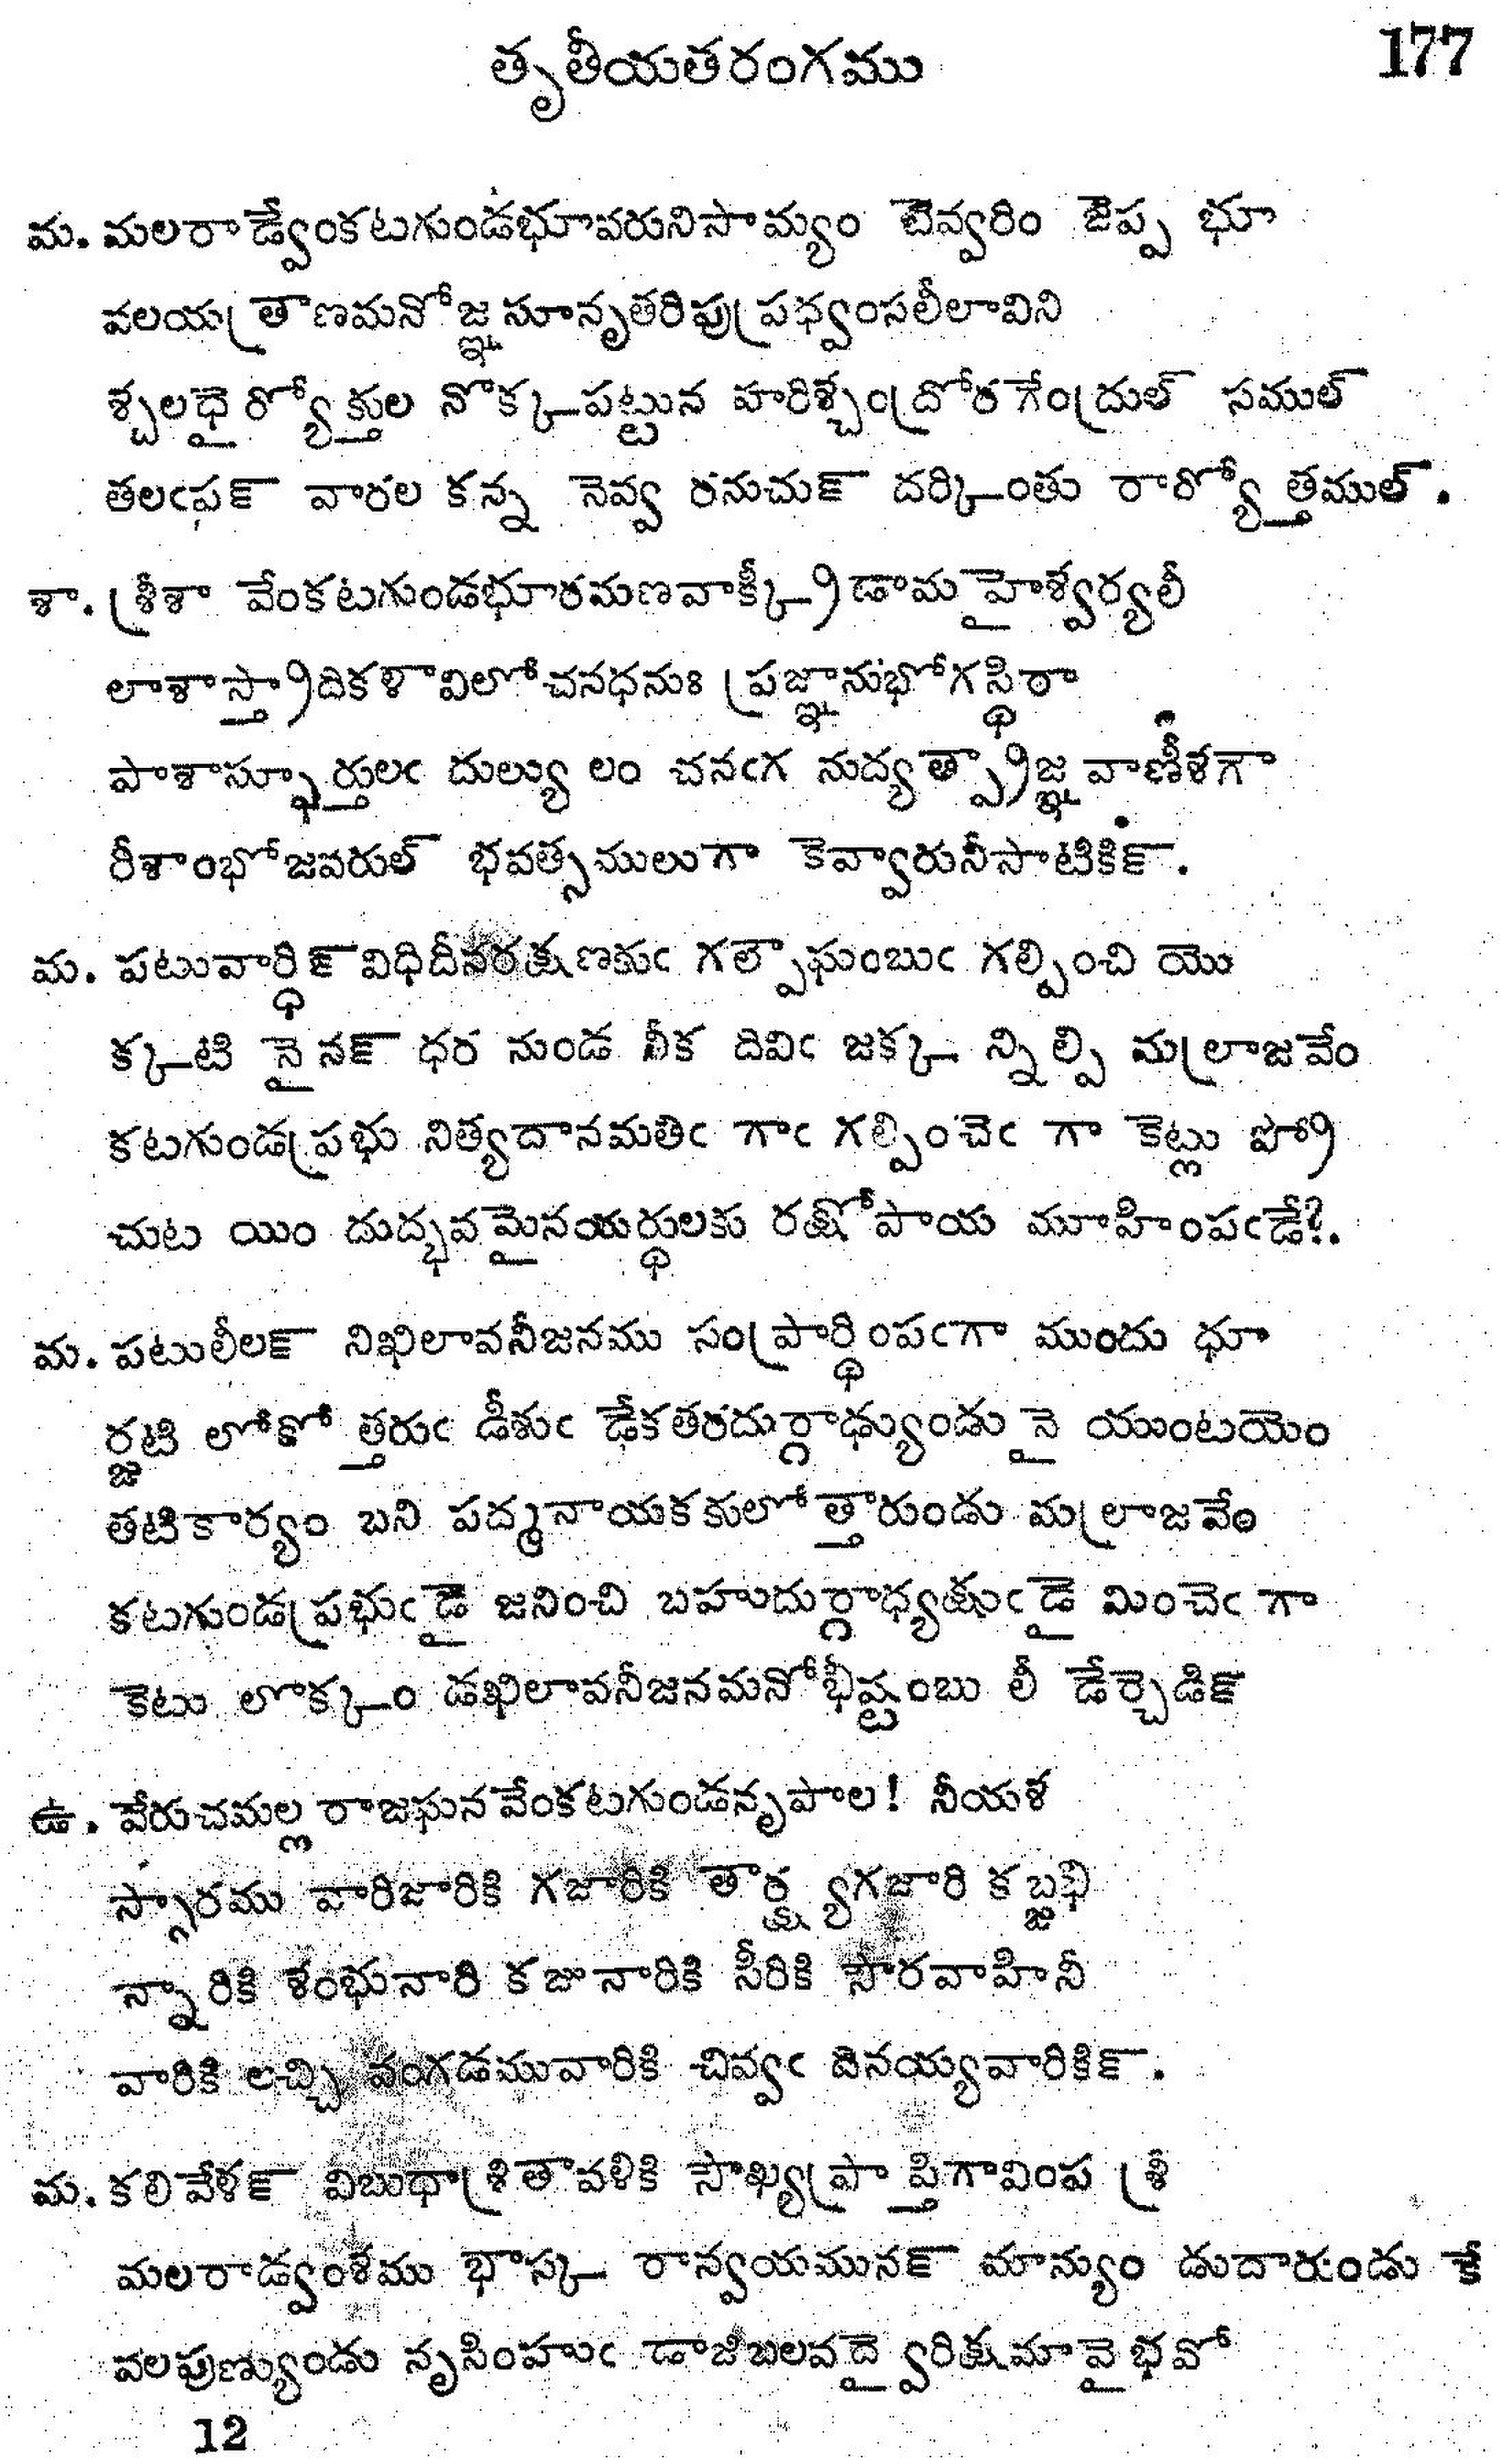మ. మలరాడ్వేంకటగుండభూవరునిసామ్యం బెవ్వరిం జెప్ప భూ
 వలయత్రాణమనోజ్ఞసూనృతరిపుప్రధ్వంసలీలావిని
 శ్చలధైర్యోక్తుల నొక్కపట్టున హరిశ్చంద్రోరగేంద్రుల్ సముల్
 తలఁపన్ వారల కన్న నెవ్వ రనుచున్ దర్కింతు రార్యోత్తముల్.

శా. శ్రీశా వేంకటగుండభూరమణవాక్క్రీడామహైశ్వర్యలీ
 లాశాస్త్రాదికళావిలోచనధనుఃప్రజ్ఞానుభోగస్థిరా
 పాశాస్ఫూర్తులఁ దుల్యు లం చనఁగ నుద్యత్ప్రాజ్ఞవాణీశగౌ
 రీశాంభోజవరుల్ భవత్సములుగా కెవ్వారు నీసాటికిన్.

మ. పటువార్ధిన్ విధిదీనరక్షణకుఁ గల్పౌఘంబుఁ గల్పించి యొ
 క్కటి నైనన్ ధర నుండ నీక దివిఁ జక్క న్నిల్పి మల్రాజవేం
 కటగుండప్రభు నిత్యదానమతిఁ గాఁ గల్పించెఁ గా కెట్లు ప్రో
 చుట యిం దుద్భవమైనయర్థులకు రక్షోపాయ మూహింపఁడే?

మ. పటులీలన్ నిఖిలావనీజనము సంప్రార్థింపఁగా ముందు ధూ
 ర్జటి లోకోత్తరుఁ డీశుఁ డేకతరదుర్గాఢ్యుండునై యుంటయెం
 తటి కార్యం బని బద్మనాయకకులోత్తారుండు మల్రాజవేం
 కటగుండప్రభుఁడై జనించి బహుదుర్గాధ్యక్షుఁడై మించెఁ గా
 కెటు లొక్కం డఖిలావనీజనమనోభీష్టంబు లీ డేర్చెడిన్.

ఉ. వేరుచమల్లరాజఘనవేంకటగుండనృపాల! నీయశ
 స్సారము వారిజారికి గజారికి తార్క్ష్యగజారి కబ్జభి
 న్నారికి శంభునారి కజునారికి సీరికి సౌరవాహినీ
 వారికి లచ్చి వంగడమువారికి చివ్వఁ దినయ్యవారికిన్.

మ. కలివేళన్ విబుధాశ్రితావళికి సౌఖ్యప్రాప్తి గావింప శ్రీ
 మలరాడ్వంశము భాస్క రాన్వయమునన్ మాన్యుం డుదారుండు కే
 వలపుణ్యుండు నృసింహుఁ డాజిబలవద్వైరిక్షమావైభవో